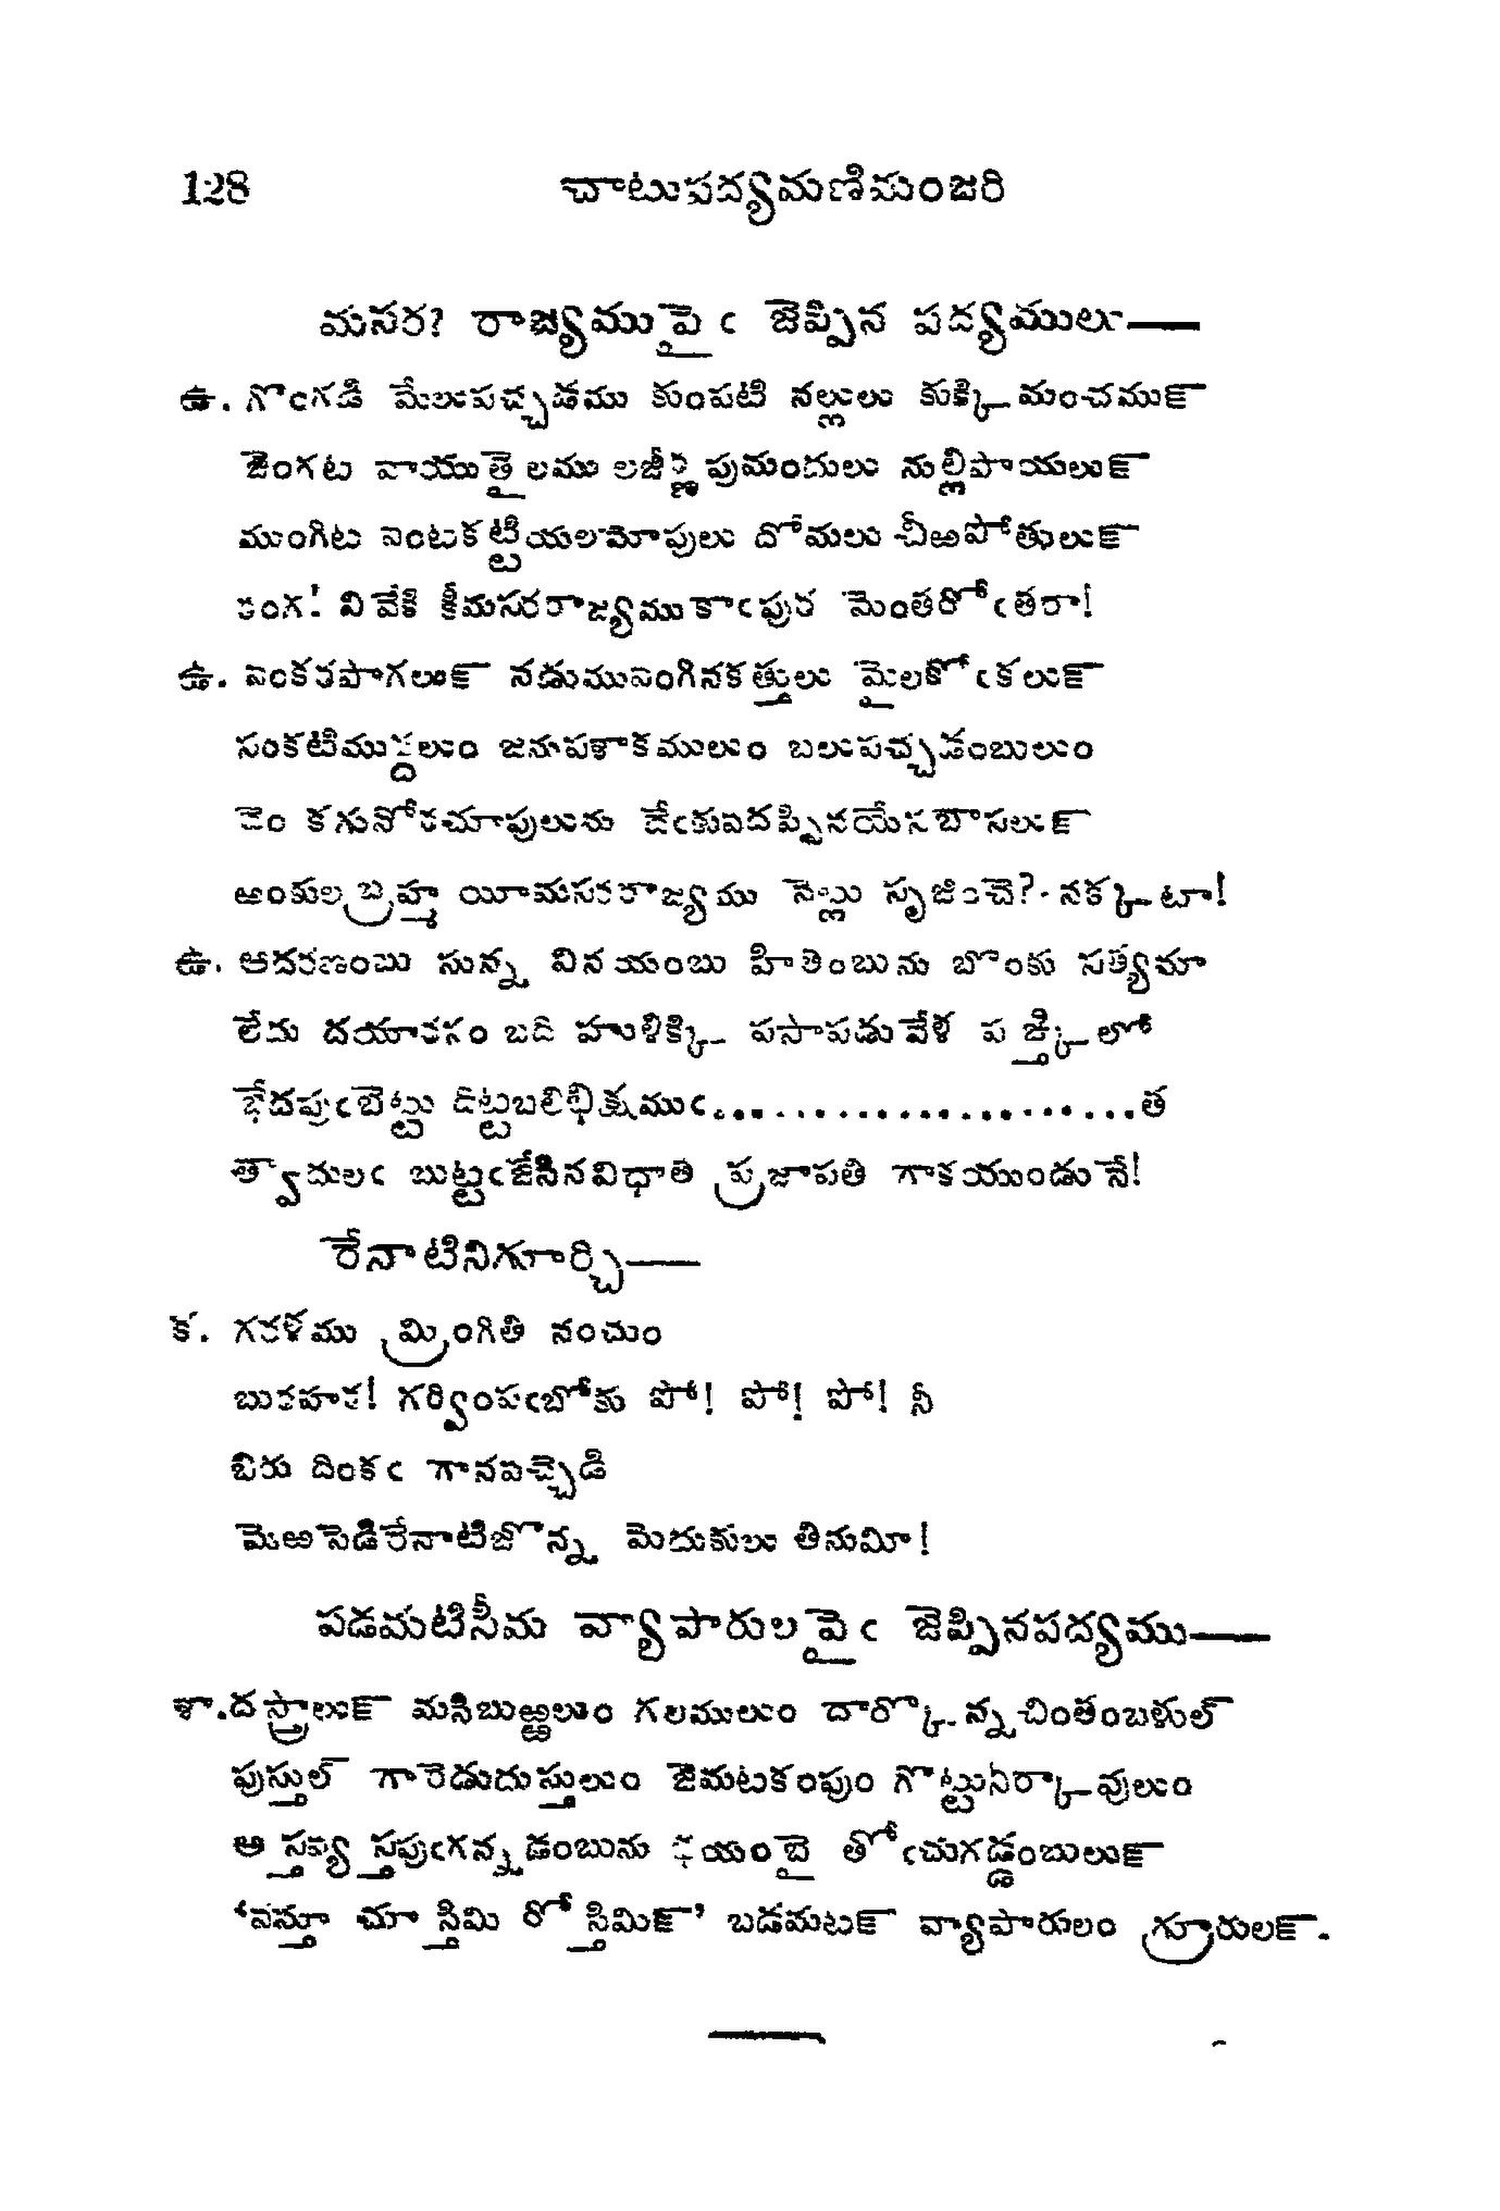మసర(?)రాజ్యముపైఁ జెప్పిన పద్యములు—
ఉ. గొంగడి మేలుపచ్చడము కుంపటి నల్లులు కుక్కిమంచమున్
 జెంగట వాయుతైలము లజీర్ణపుమందులు నుల్లిపాయలున్
 ముంగిట వంటకట్టియలమోపులు దోమలు చీఱపోతులున్
 రంగ! వివేకి కీమసరరాజ్యము కాఁపుర మెంత రోఁతరా!
ఉ. వంకరపాగలున్ నడుమువంగినకత్తులు మైలకోఁకలున్
 సంకటిముద్దలుం జనుపశాకములుం బలుపచ్చడంబులుం
 దెం కగునోరచూపులును దేఁకువదప్పినయేసబాసలున్
 ఱంకులబ్రహ్మ యీమసరరాజ్యము నెట్లు సృజించె?నక్కటా!
ఉ. ఆదరణంబు సున్న వినయంబు హితంబును బొంకు సత్యమా
 లేదు దయారసం బది హుళక్కి పసాపడువేళ పఙ్క్తిలో
 భేదపుఁబెట్టు దిట్టబలిభిక్షముఁ ……................… త
 త్వాదుల బుట్టఁజేసినవిధాత ప్రజాపతి గాకయుండునే!
రేనాటినిగూర్చి—
క. గరళము మ్రింగితి నంచుం
 బురహర! గర్వింపఁబోకు పో! పో! పో! నీ
 బిరు దింకఁ గానవచ్చెడి
 మెఱసెడి రేనాఁటిజొన్నమెదుకులు తినుమీ!
పడమటిసీమ వ్యాపారులపైఁ జెప్పిన పద్యము—
శా. దస్త్రాలున్ మసిబుఱ్ఱలుం గలములుం దార్కొన్నచింతంబళుల్
 పుస్తుల్ గారెడుదుస్తులుం జెమటకంపుం గొట్టునీర్కావులుం
 అస్తవ్యస్తపుఁగన్నడంబును భయంబై తోఁచు గడ్డంబులున్
 ‘వస్తూ చూస్తిమి రోస్తిమిన్’ బడమటన్ వ్యాపారులం గ్రూరులన్.